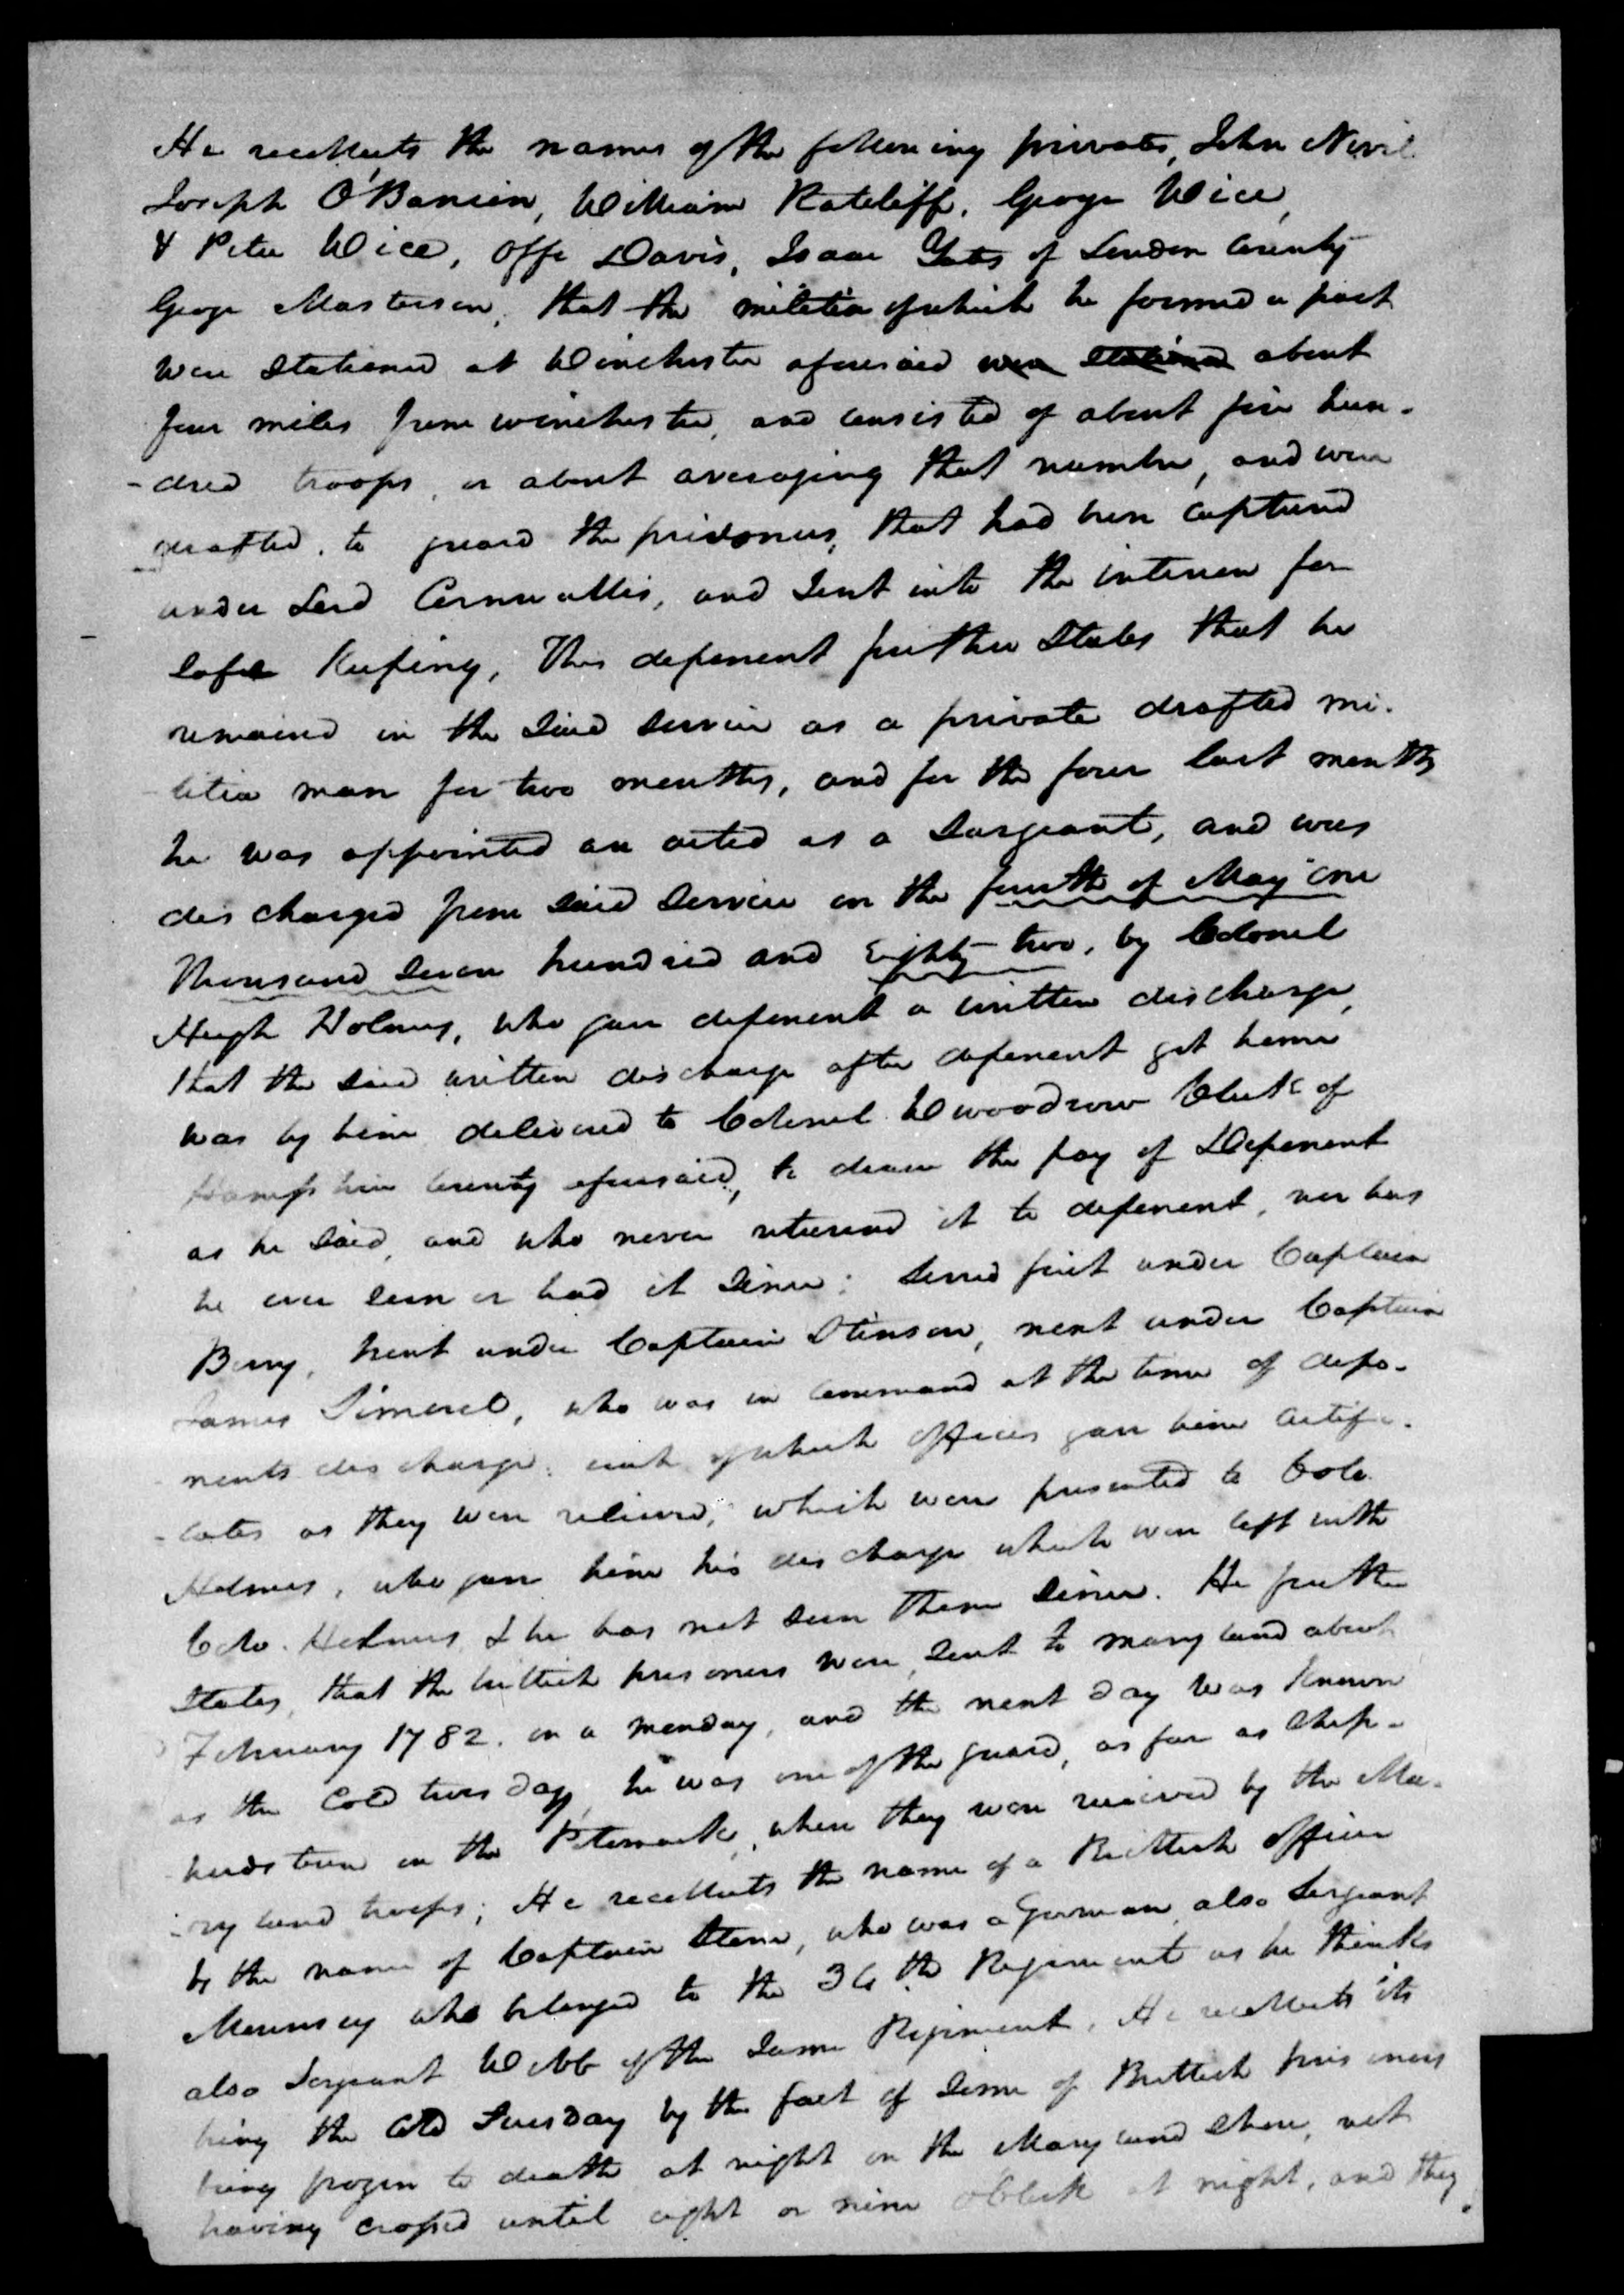He recollects the name of the following privates, John Nevil
Joseph O'Banion, William Ratcliff, George Wice,
+ Peter Wice, Offe Davis, Ioan Gates of Lenden County
George Masterson, that the militia of which he formed a fact
were stationed at Winchester aforesaid about
four miles from Winchester and consisted of about five hundred
troops, or about averaging that number, and were
drafted to guard the prisoners, that had been captured
under Lord Cornwallis, and sent into the intern for
safe keeping. This deponent further states that he
remained in the Said service as a private drafted militia
man for two months, and for the four last months
he was appointed an acted as a Sargeant, and was
discharged from Said Service in the fourth of May one
thousand seven hundred and eighty - two, by Colonel
Hugh Holmes, who gave deponent a written discharge
that the said written discharge after deponent got home
was by him delivered to Colonel Woodrow Clerk of
Hampt[illegible] County aforesaid, to draw the pay of Deponent
as he said, and who never returned it to deponent, nor has
he ever been or had it since: Served first under Captain
James [illegible[, who was in command at the time of deponents
discharge: with of which officers gave him certificates
as they were relieved, which were presented to Colo.
Holmes, who gave him his discharge which was left with
Colo. Holmes, + he has not seen them since. He further
states, that the brittish prisoners were sent to maryland about
February 1782, on a Monday, and the next day was known
as the Cold tuesday, he was one of the guard, as far as Shepherdstown
in the [illegible], when they were received by the {Maryland?}
troops; He recollects the name of a Brittish officer
by the name of Captain Stern, who was a German, also Sergeant
[illegible] who belonged to the 36th Regiment as he thinks
also Sergeant Webb of the Same Regiment. He recollects him
being the Cold Tuesday by the fact of [illegible] of Brittish prisoners
being frozen to death at night in the Maryland shore, not 
having crossed until night or nine oclock at night, and they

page: 4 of 12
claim: survivor's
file: S. 32543, for George Stingley, Virginia